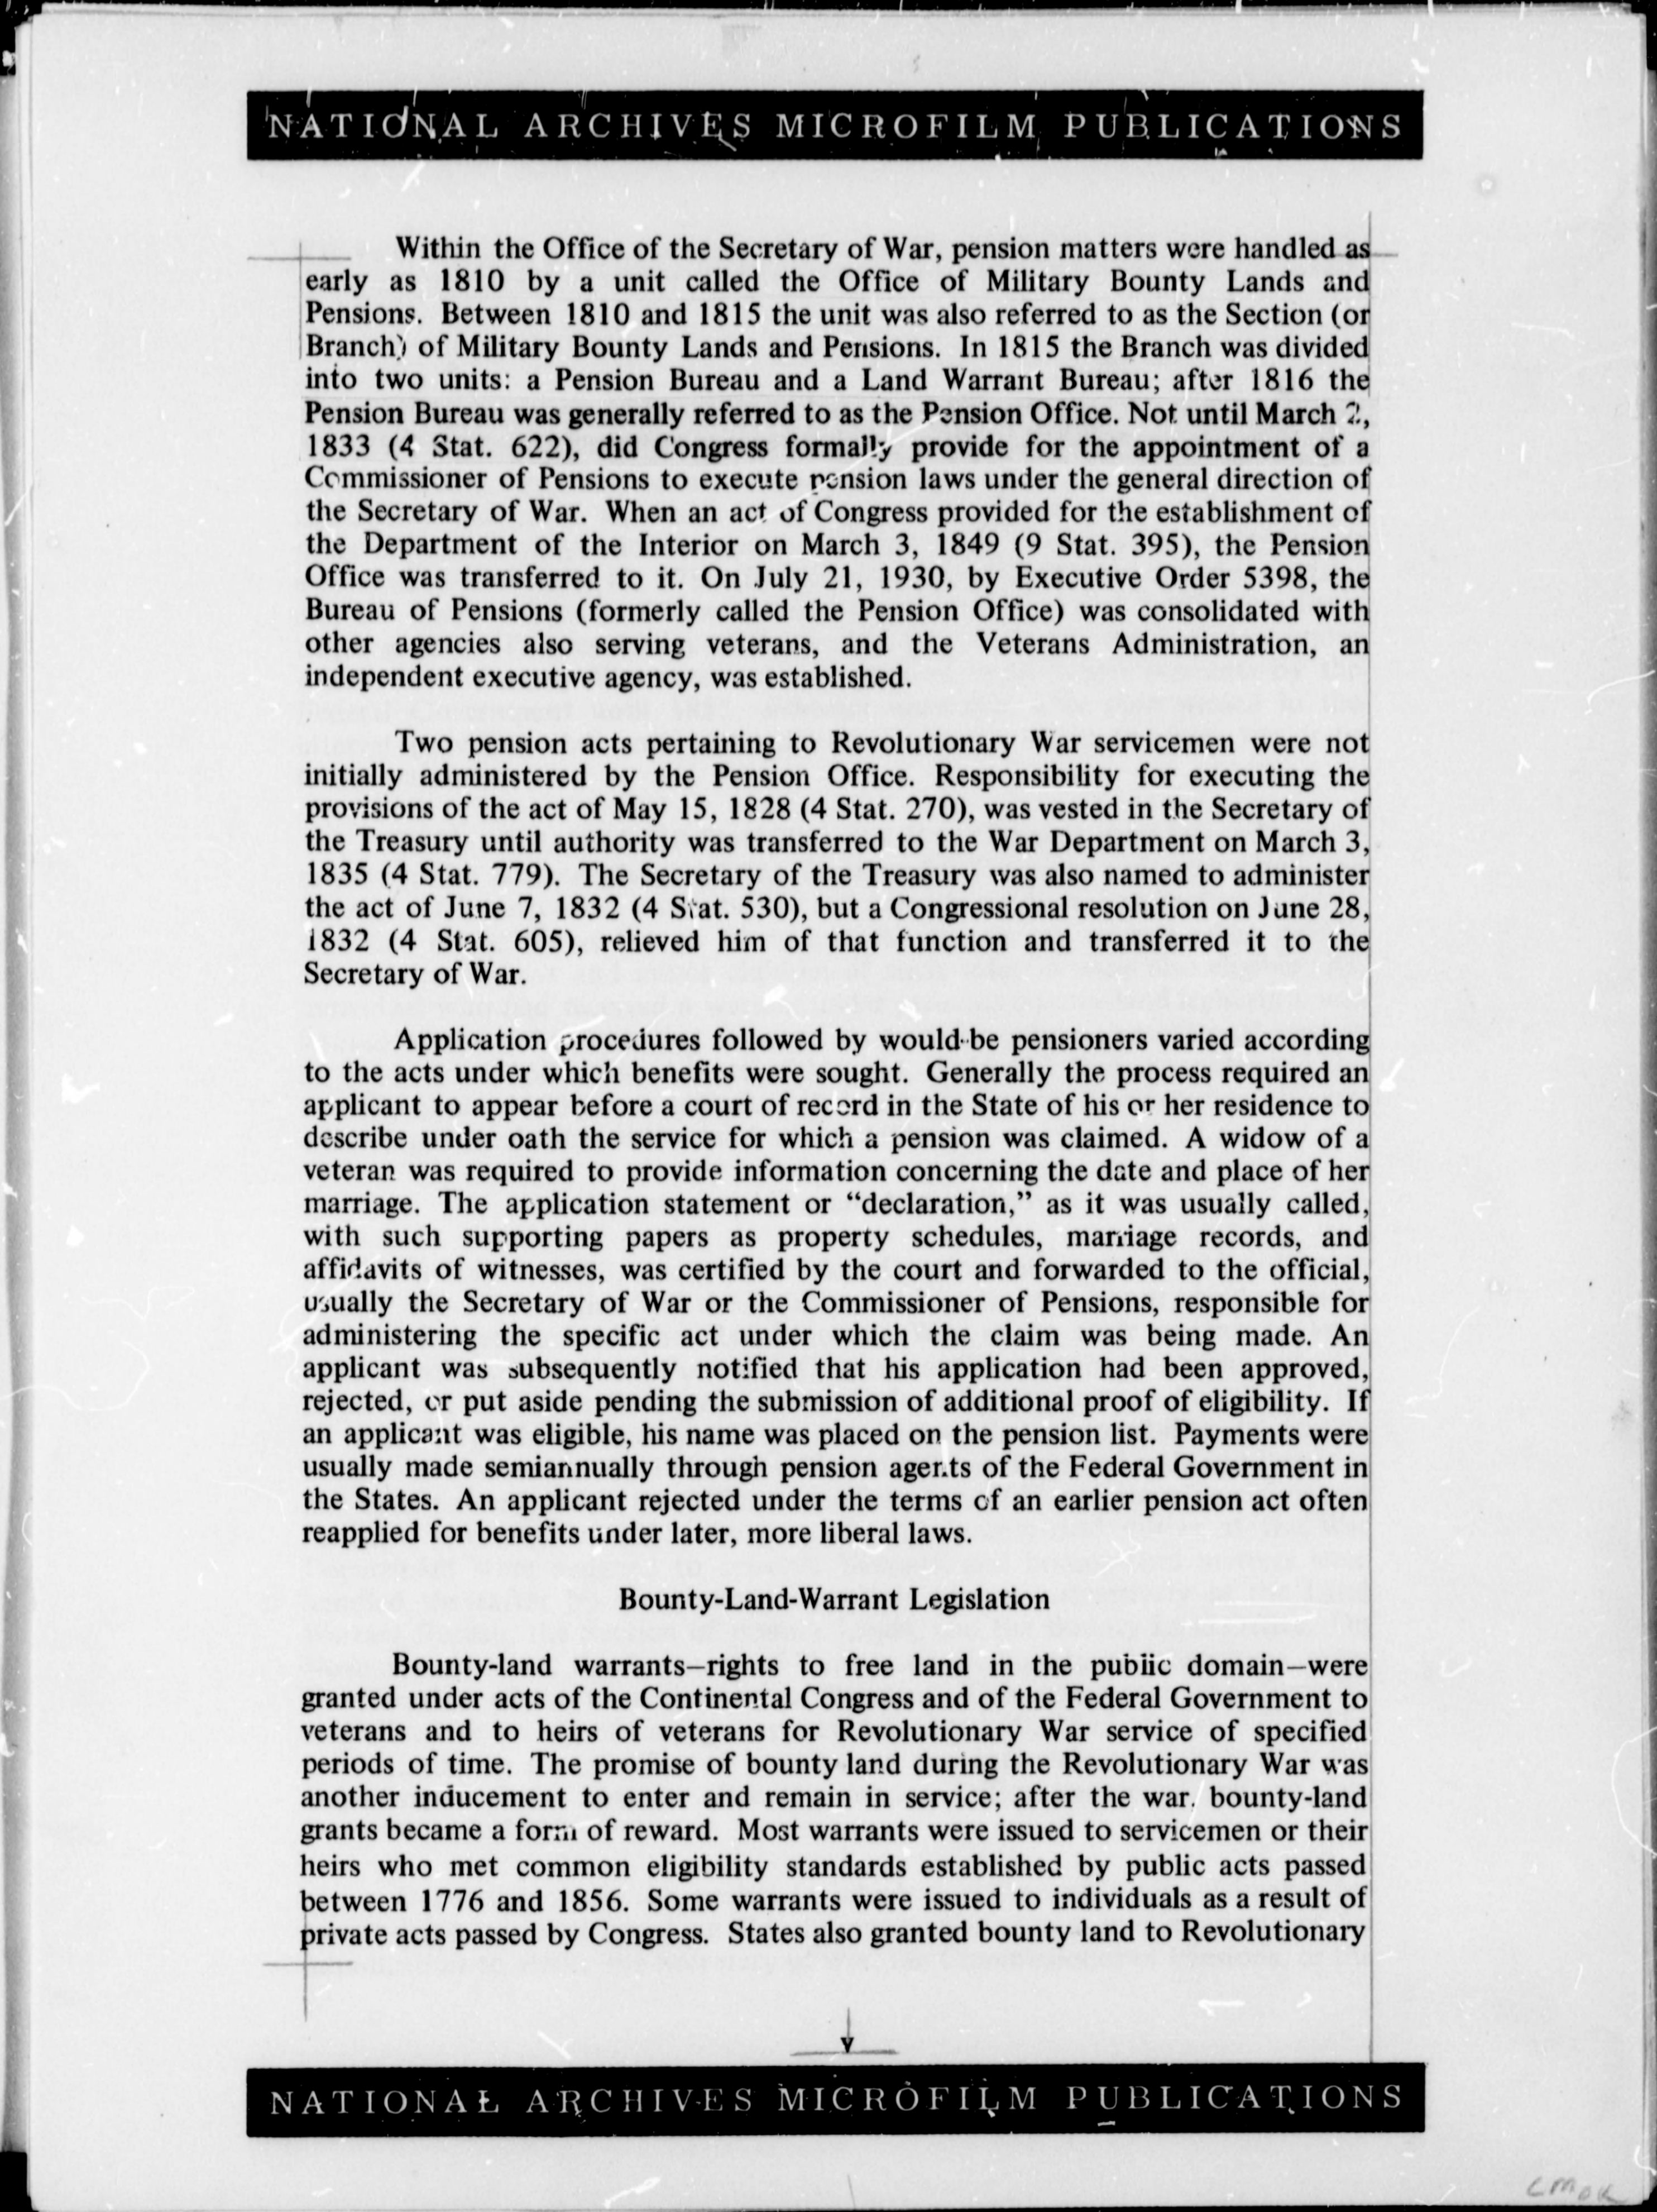NATIONAL ARCHIVES MICROFILM PUBLICATIONS

Within the Office of the Secretary of War, pension matters were handled as early as 1810 by a unit called the Office of Military Bounty Lands and Pensions. Between 1810 and 1815 the unit was also referred to as the Section (or Branch) of Military Bounty Lands and Pensions. In 1815 the Branch was divided into two units: a Pension Bureau and a Land Warrant Bureau; after 1816 the Pension Bureau was generally referred to as the Pension Office. Not until March 2, 1833 (4 Stat. 622), did Congress formally provide for the appointment of a Commissioner of Pensions to execute pension laws under the general direction of the Secretary of War. When an act of Congress provided for the establishment of the Department of the Interior on March 3, 1849 (9 Stat. 395), the Pension Office was transferred to it. On July 21, 1930, by Executive Order 5398, the Bureau of Pensions (formerly called the Pension Office) was consolidated with other agencies also serving veterans, and the Veterans Administration, an independent executive agency was established.

Two pension acts pertaining to Revolutionary War servicemen were not initially administered by the Pension Office. Responsibility for executing the provisions of the act of May 15, 1828 (4 Stat. 270), was vested in the Secretary of the Treasury until authority was transferred to the War Department on March 3, 1835 (4 Stat. 779). The Secretary of the Treasury was also named to administer the act of June 7, 1832 (4 Stat. 530), but a Congressional resolution on June 28, 1832 (4 Stat. 605), relieved him of that function and transferred it to the Secretary of War.

Application procedures followed by would-be pensioners varied according to the acts under which benefits were sought. Generally the process required an applicant to appear before a court of record in the State of his or her residence to describe under oath the service for which a pension was claimed. A widow of a veteran was required to provide information concerning the date and place of her marriage. The application statement or "declaration," as it was usually called, with such supporting papers as property schedules, marriage records, and affidavits of witnesses, was certified by the court and forwarded to the official, usually the Secretary of War or the Commissioner of Pensions, responsible for administering the specific act under which the claim was being made. An applicant was subsequently notified that his application had been approved, rejected, or put aside pending the submission of additional proof of eligibility. If an applicant was eligible, his name was placed on the pension list. Payments were usually make semiannually through pension agents of the Federal Government in the States. An applicant rejected under the terms of an earlier pension act often reapplied for benefits under later, more liberal laws.

Bounty-Land-Warrant Legislation

Bounty-land warrants-rights to free land in the public domain - were granted under acts of the Continental Congress and of the Federal Government to veterans and to heirs of veterans for Revolutionary War service of specified periods of time. The promise of bounty land during the Revolutionary War was another inducement to enter and remain in service; after the war bounty-land grants became a form of reward. Most warrants were issued to servicemen or their heirs who met common eligibility standards established by public acts passed between 1776 and 1856. Some warrants were issued to individuals as a result of private acts passed by Congress. States also granted bounty land to Revolutionary

NATIONAL ARCHIVES MICROFILM PUBLICATIONS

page: 5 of 61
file: Revolutionary War Pension and Bounty Land Warrant Application File